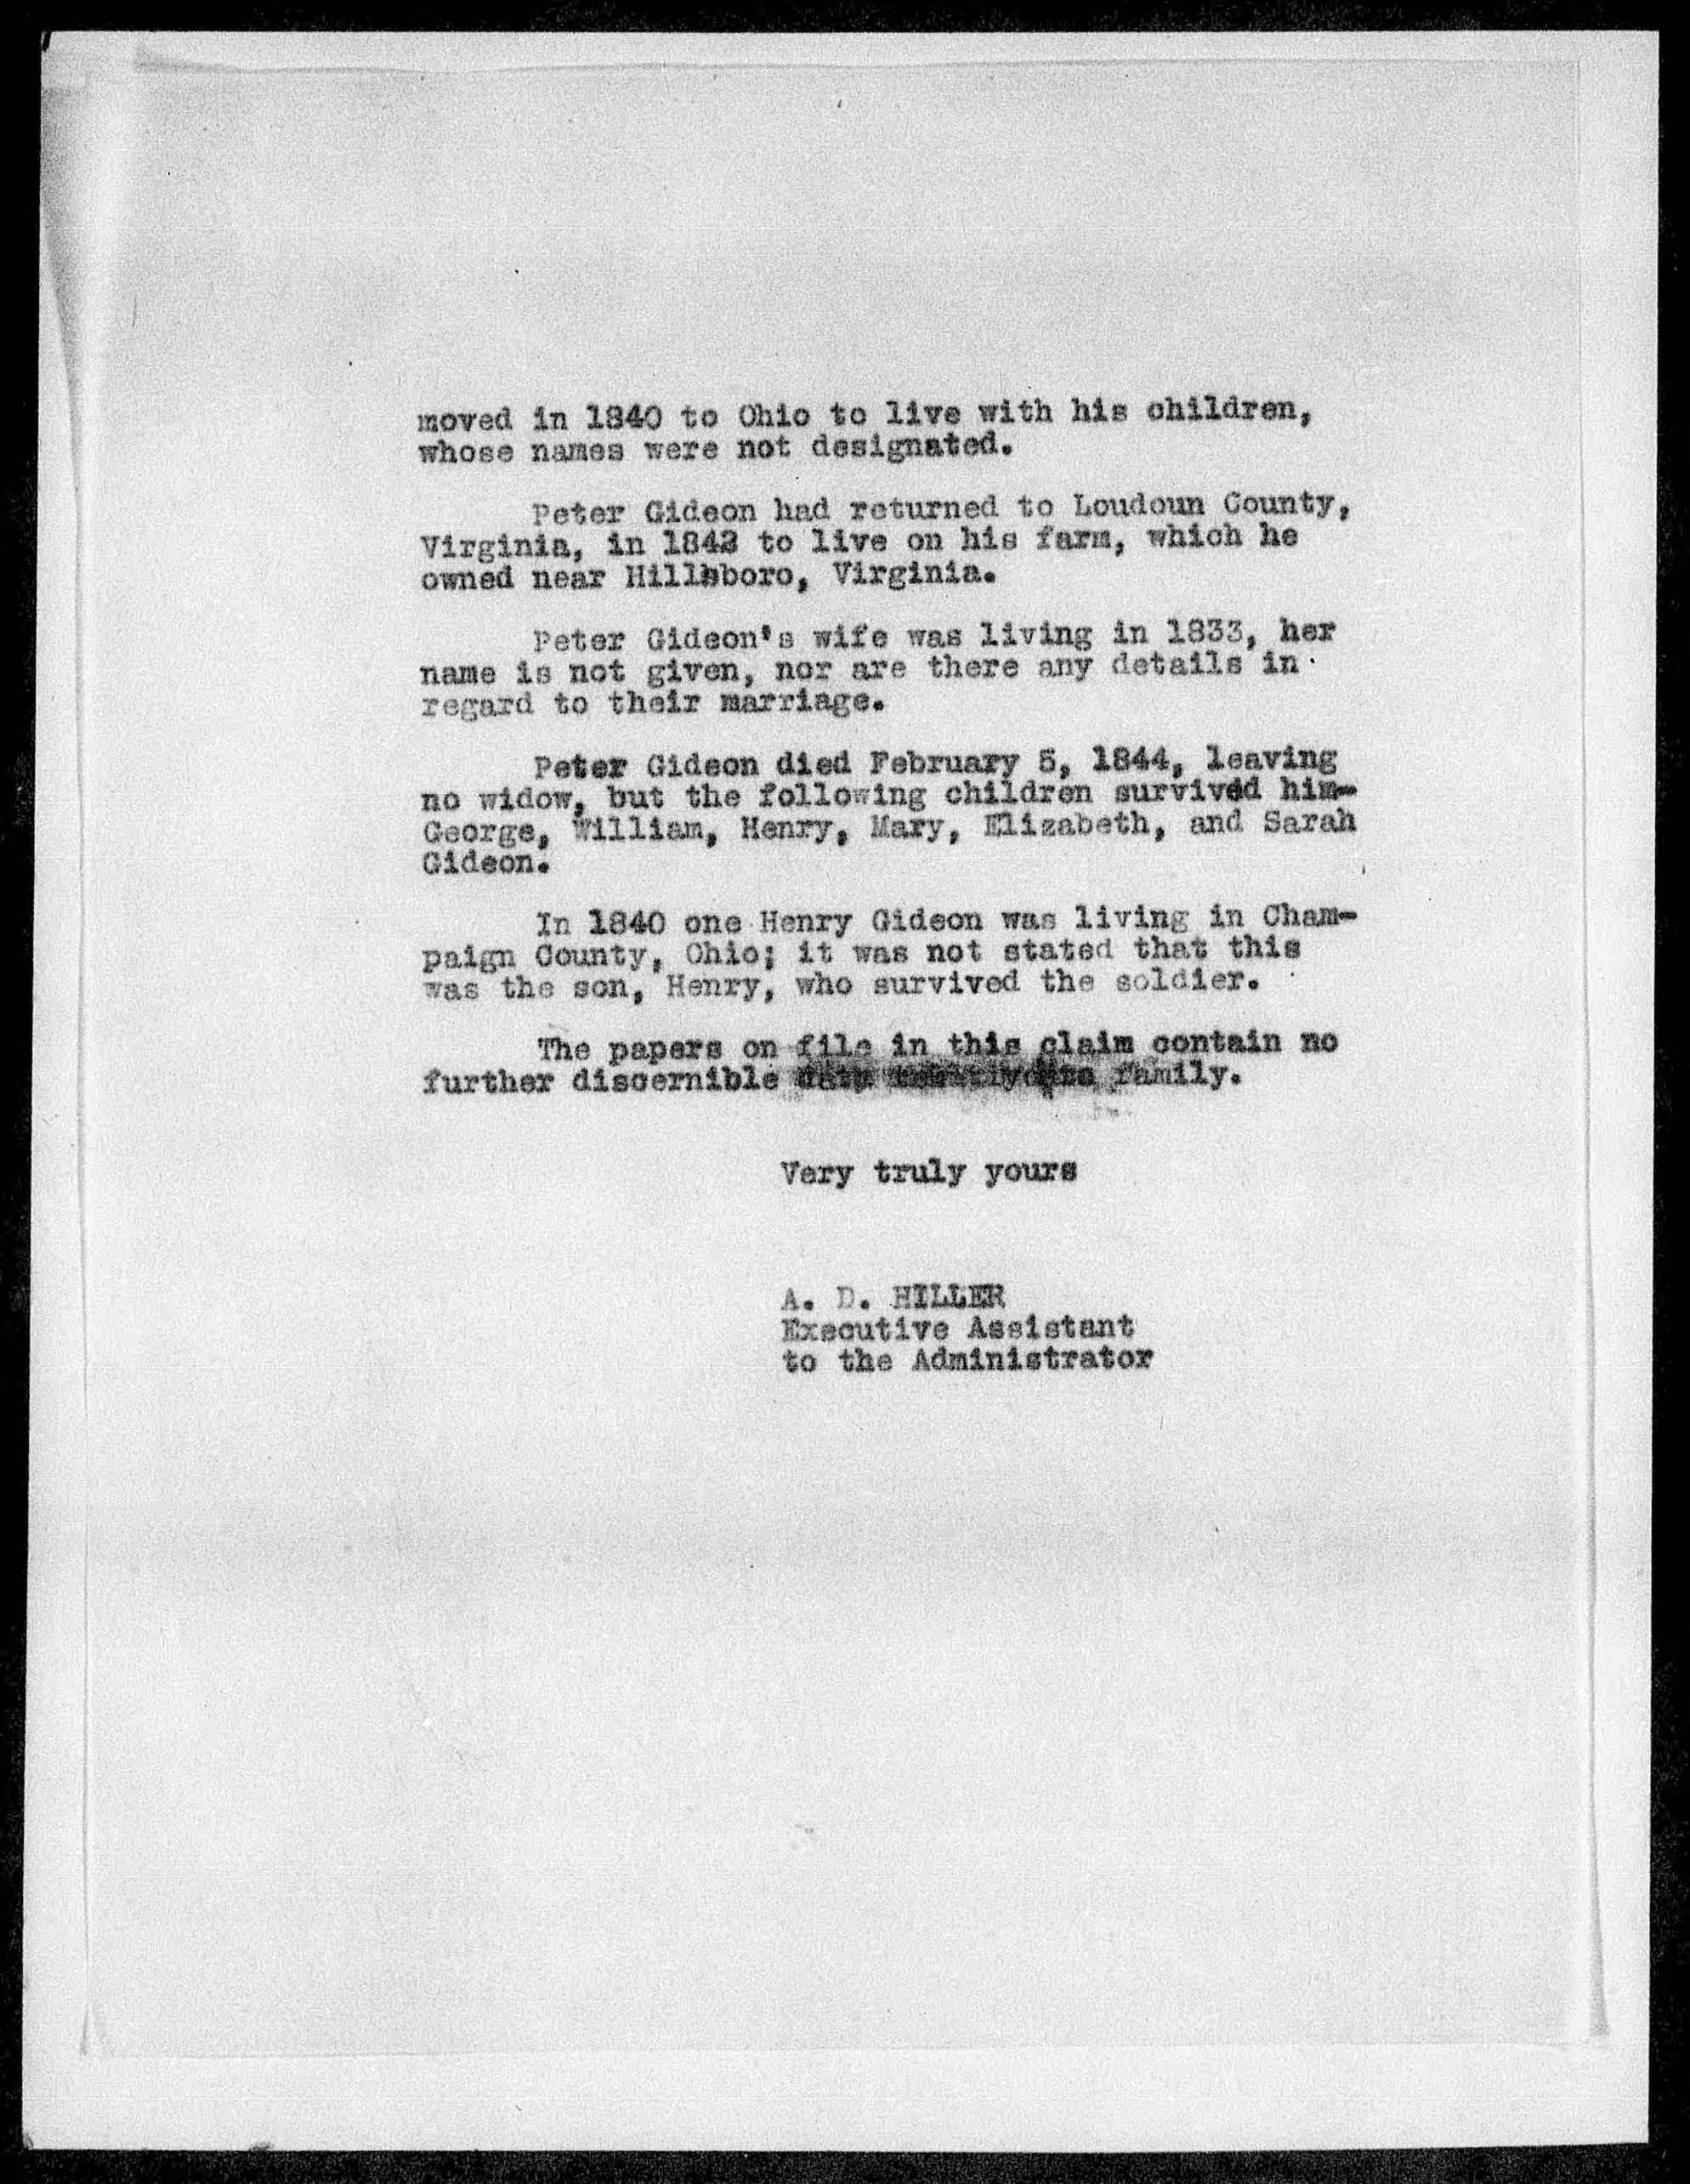moved in 1840 to Ohio to live with his children,
whose names were not designated.

Peter Gideon had returned to Loudoun County,
Virginia, in 1842 to live on his farm, which he
owned near Hillsboro, Virginia.

Peter Gideon's wife was living in 1833, her
name is not given, nor are there any details in
regard to their marriage.

Peter Gideon died February 5, 1844, leaving
no widow, but the following children survived him- George, William, Henry, Mary, Elizabeth, and Sarah Gideon.
In 1840 one Henry Gideon was living in Champaign County, Ohio; it was not stated that this was the son, Henry, who survived the soldier.
The papers on file in this claim contain no further discernible [illegible] family

Very truly yours

A. D. HILLER
Executive Assistant
to the Administrator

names: Sarah Gideon, Peter Gideon, Henry Gideon, Elizabeth Gideon, Henry, George Gideon, William Gideon, Mary Gideon, Peter Gideon, Peter Gideon, A D Hiller, Henry Gideon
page: 64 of 64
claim: survivor's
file: S. 6887, Peter Gideon, Md.